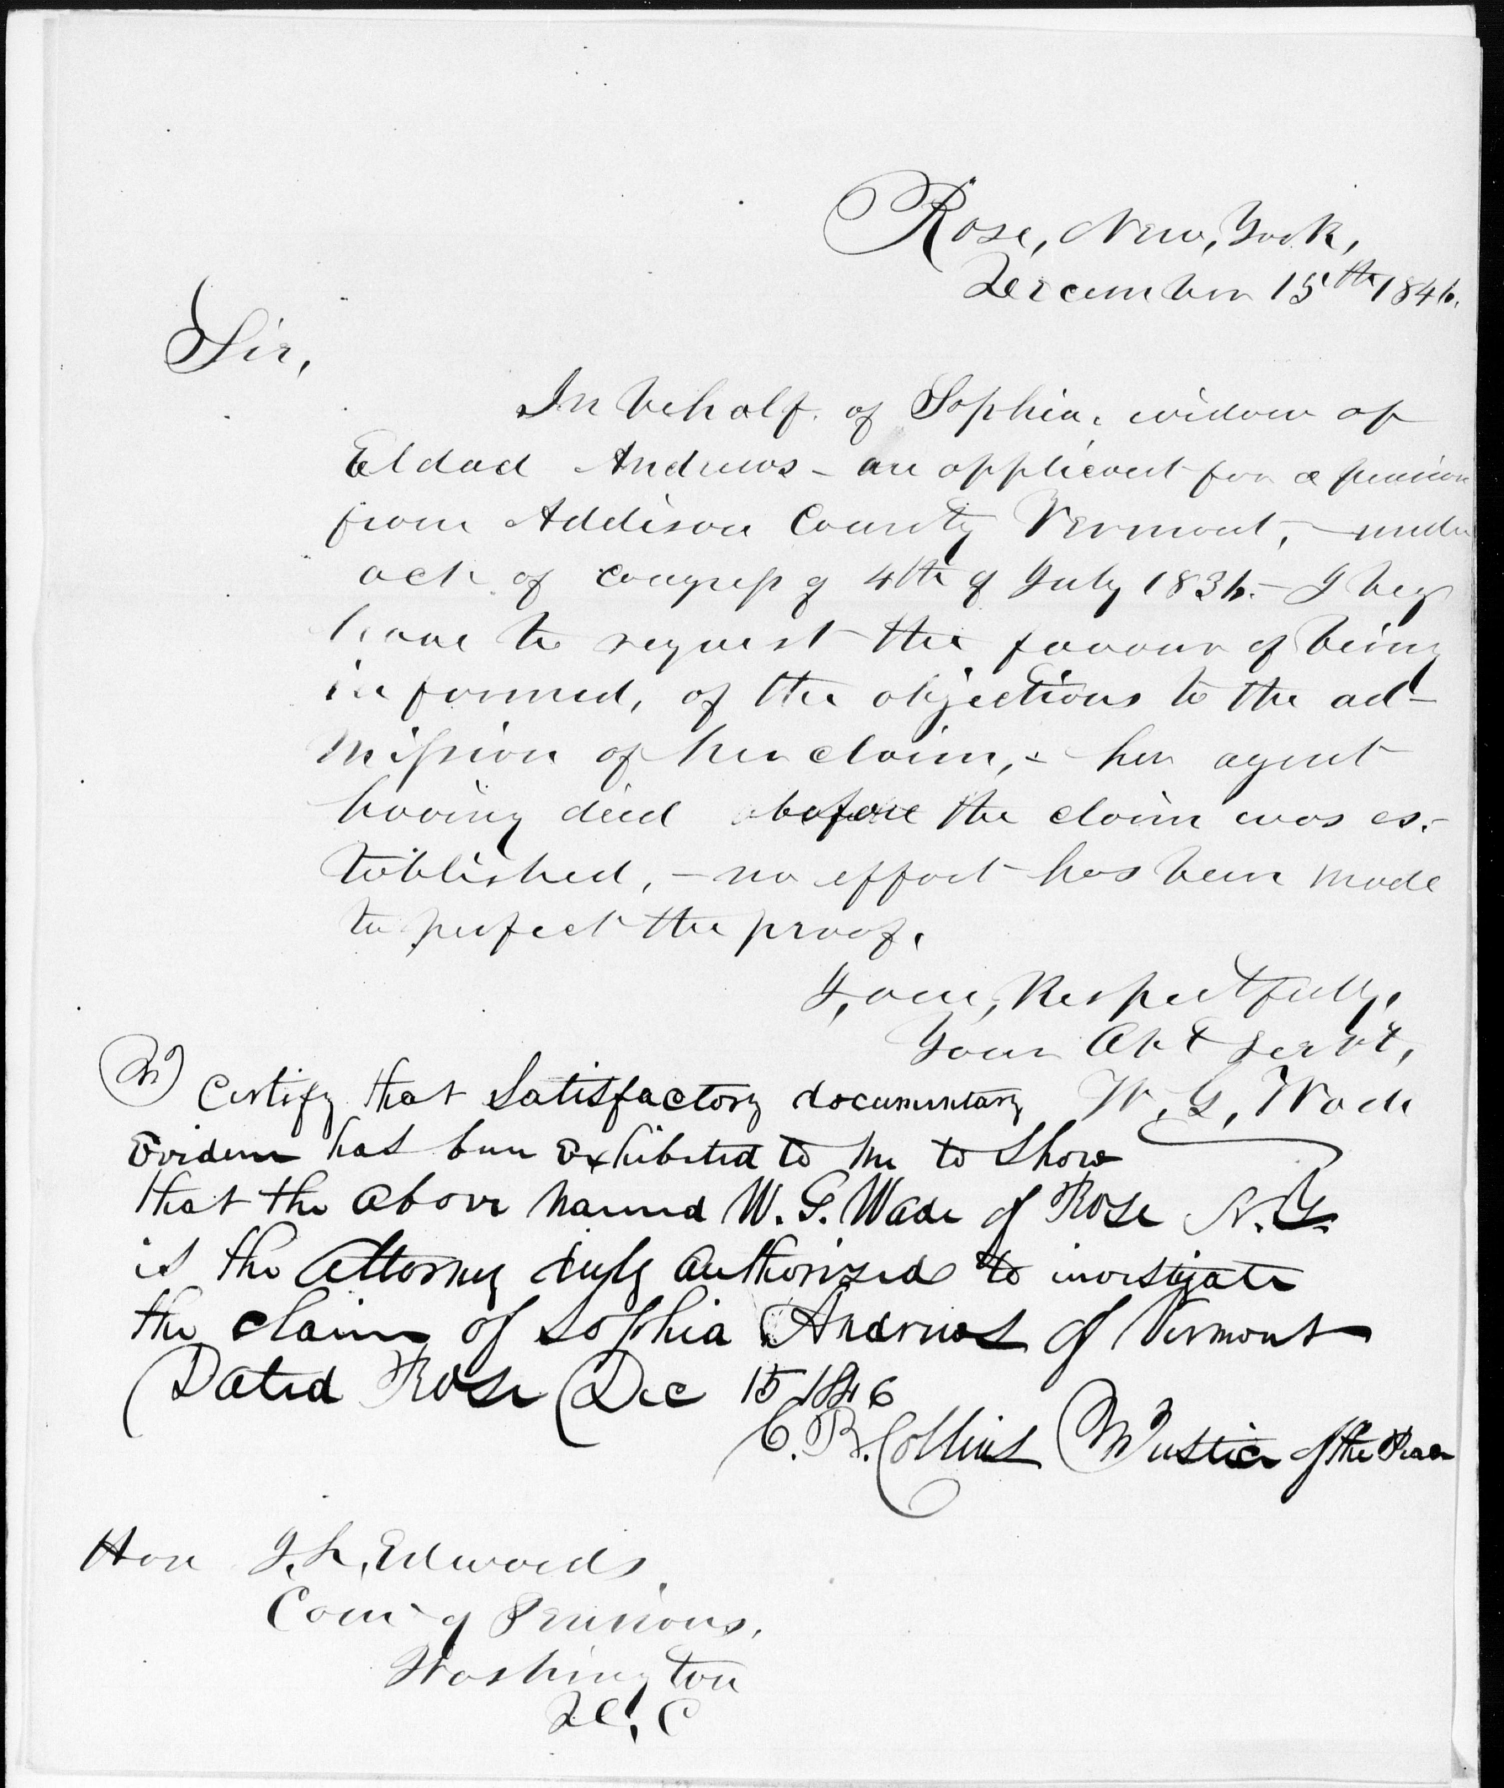Rose, New York
December 15th 1846
Sir,
In behalf of Sophia, widow of Eldad Andrews, an applicant for a pension from Addison County Vermont, under act of Congress of 4th of July 1836. I be have to request the favour of being
informed of the objections to the admission of her claim, her agent having died before the claim was a published, no effort has been made
the perfect the proof.
Yours  Respectfully
Your Observant Servant,  W. G. Wade

I certify satisfactory documentary evidence 
has been exhibited to me to show that the above named  W. G. Wade of Rose N.Y.
is the Attorney duly authorized to investigate
the claims of  Sophia Andrews of Vermont

Dated [Rose ] Dec. 15, 1846
C. B Collins Justice of the Peace

Hon J.L. Edwards
Commission of Pensions,
Washington, D.C.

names: Sophia, W G Wade, W G Wade, C B Collins, Eldad Andrews, J L Edwards, Sophia Andrews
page: 25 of 27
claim: rejected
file: R. 223, Eldad Andrus, Vt.